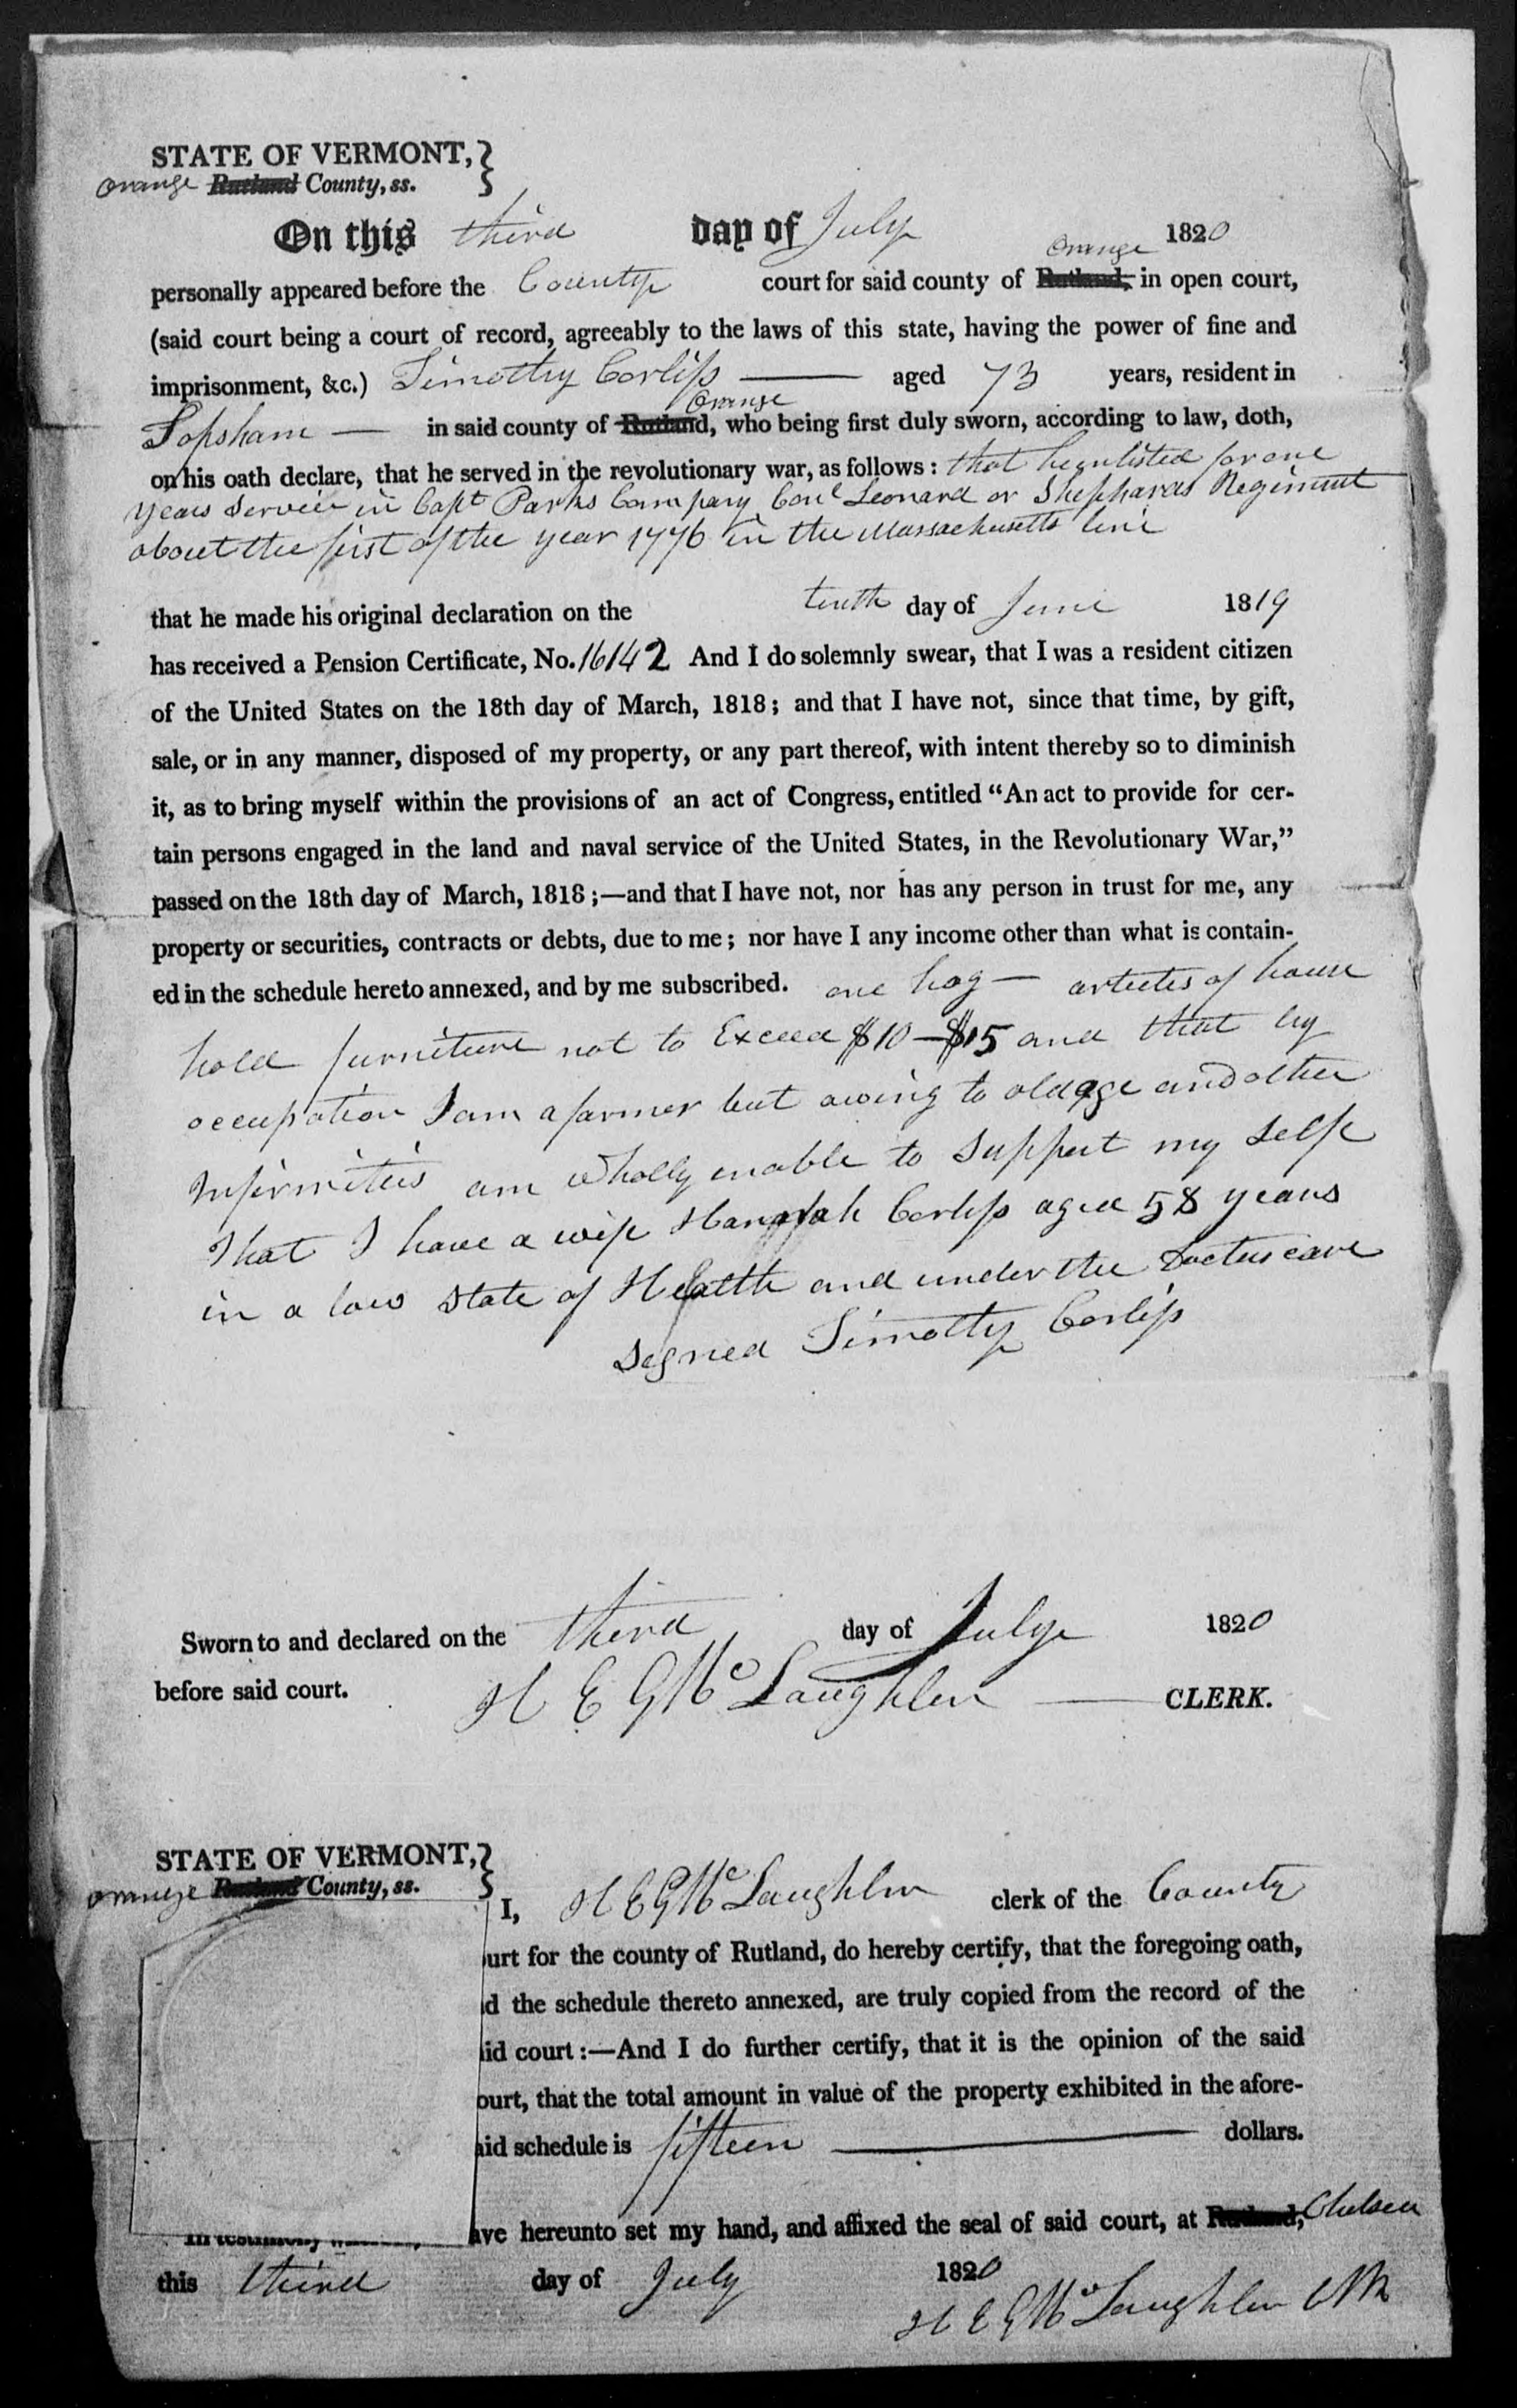State of Vermont
Orange County
On this third day of July 1820 personally appeared before the County court for said county of Orange in open court, (said court being a court of record, agreeably to the laws of this state, having the power of fine and imprisonment, &c.) Timothy Corliss aged 73 years, resident in [illegible] in said county of Orange, who being first duly sworn, according to law, doth, on his oath declare that he served i the revolutionary war, as follows: that he enlisted for one years service in Capt Parks Company, Genl Leonard or Sheppard's Regiment about the first of the year 1776 in the Massachusetts line, that he made his original declaration on the tenth of June 1819 has received a Pension Certificate No 16142. And I do solemnly swear, that I was a resident citizen of the United States on the 18th day of March, 1818; and that I have not, nor has any person in trust for me, any property or securities, contracts or debts, due to me; nor have I any income other than what is contained in the schedule hereto annexed, and by me subscribed.
One bag - articles of household furniture not to exceed $10-$15 and that by occupation I am a farmer but owing to old age and other infirmities, am wholly unable to support myself.  That I have a wife, Hannah Corliss, aged 58 years in a low state of health and under the doctors care.
Signed Timothy Corliss

Sworn to and declared on the third day of July 1820
before said court.
H.E.G. McLaughlin CLERK.
STATE OF VERMONT,
[illegible] County, ss.
this
third
I, H.E.G. McLaughlen clerk of the County
art for the county of Rutland, do hereby certify, that the foregoing oath, and the schedule thereto annexed, are truly copied from the record of the said court:--And I do further certify, that it is the opinion of the said court, that the total amount in value of the property exhibited in the aforesaid schedule is fifteen
dollars
I have hereunto set my hand, and affixed the seal of said court, at Chelsea this third day of July 1820
H.E.G.McLaughlen Clerk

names: H E G Mc Laughlin, Timothy Corliss, H E G Mc Laughlin, H E G Mc Laughlin, Timothy Corliss, Hannah Corless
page: 7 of 34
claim: widow's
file: W. 20,896, Timothy Corless, Continental Mass